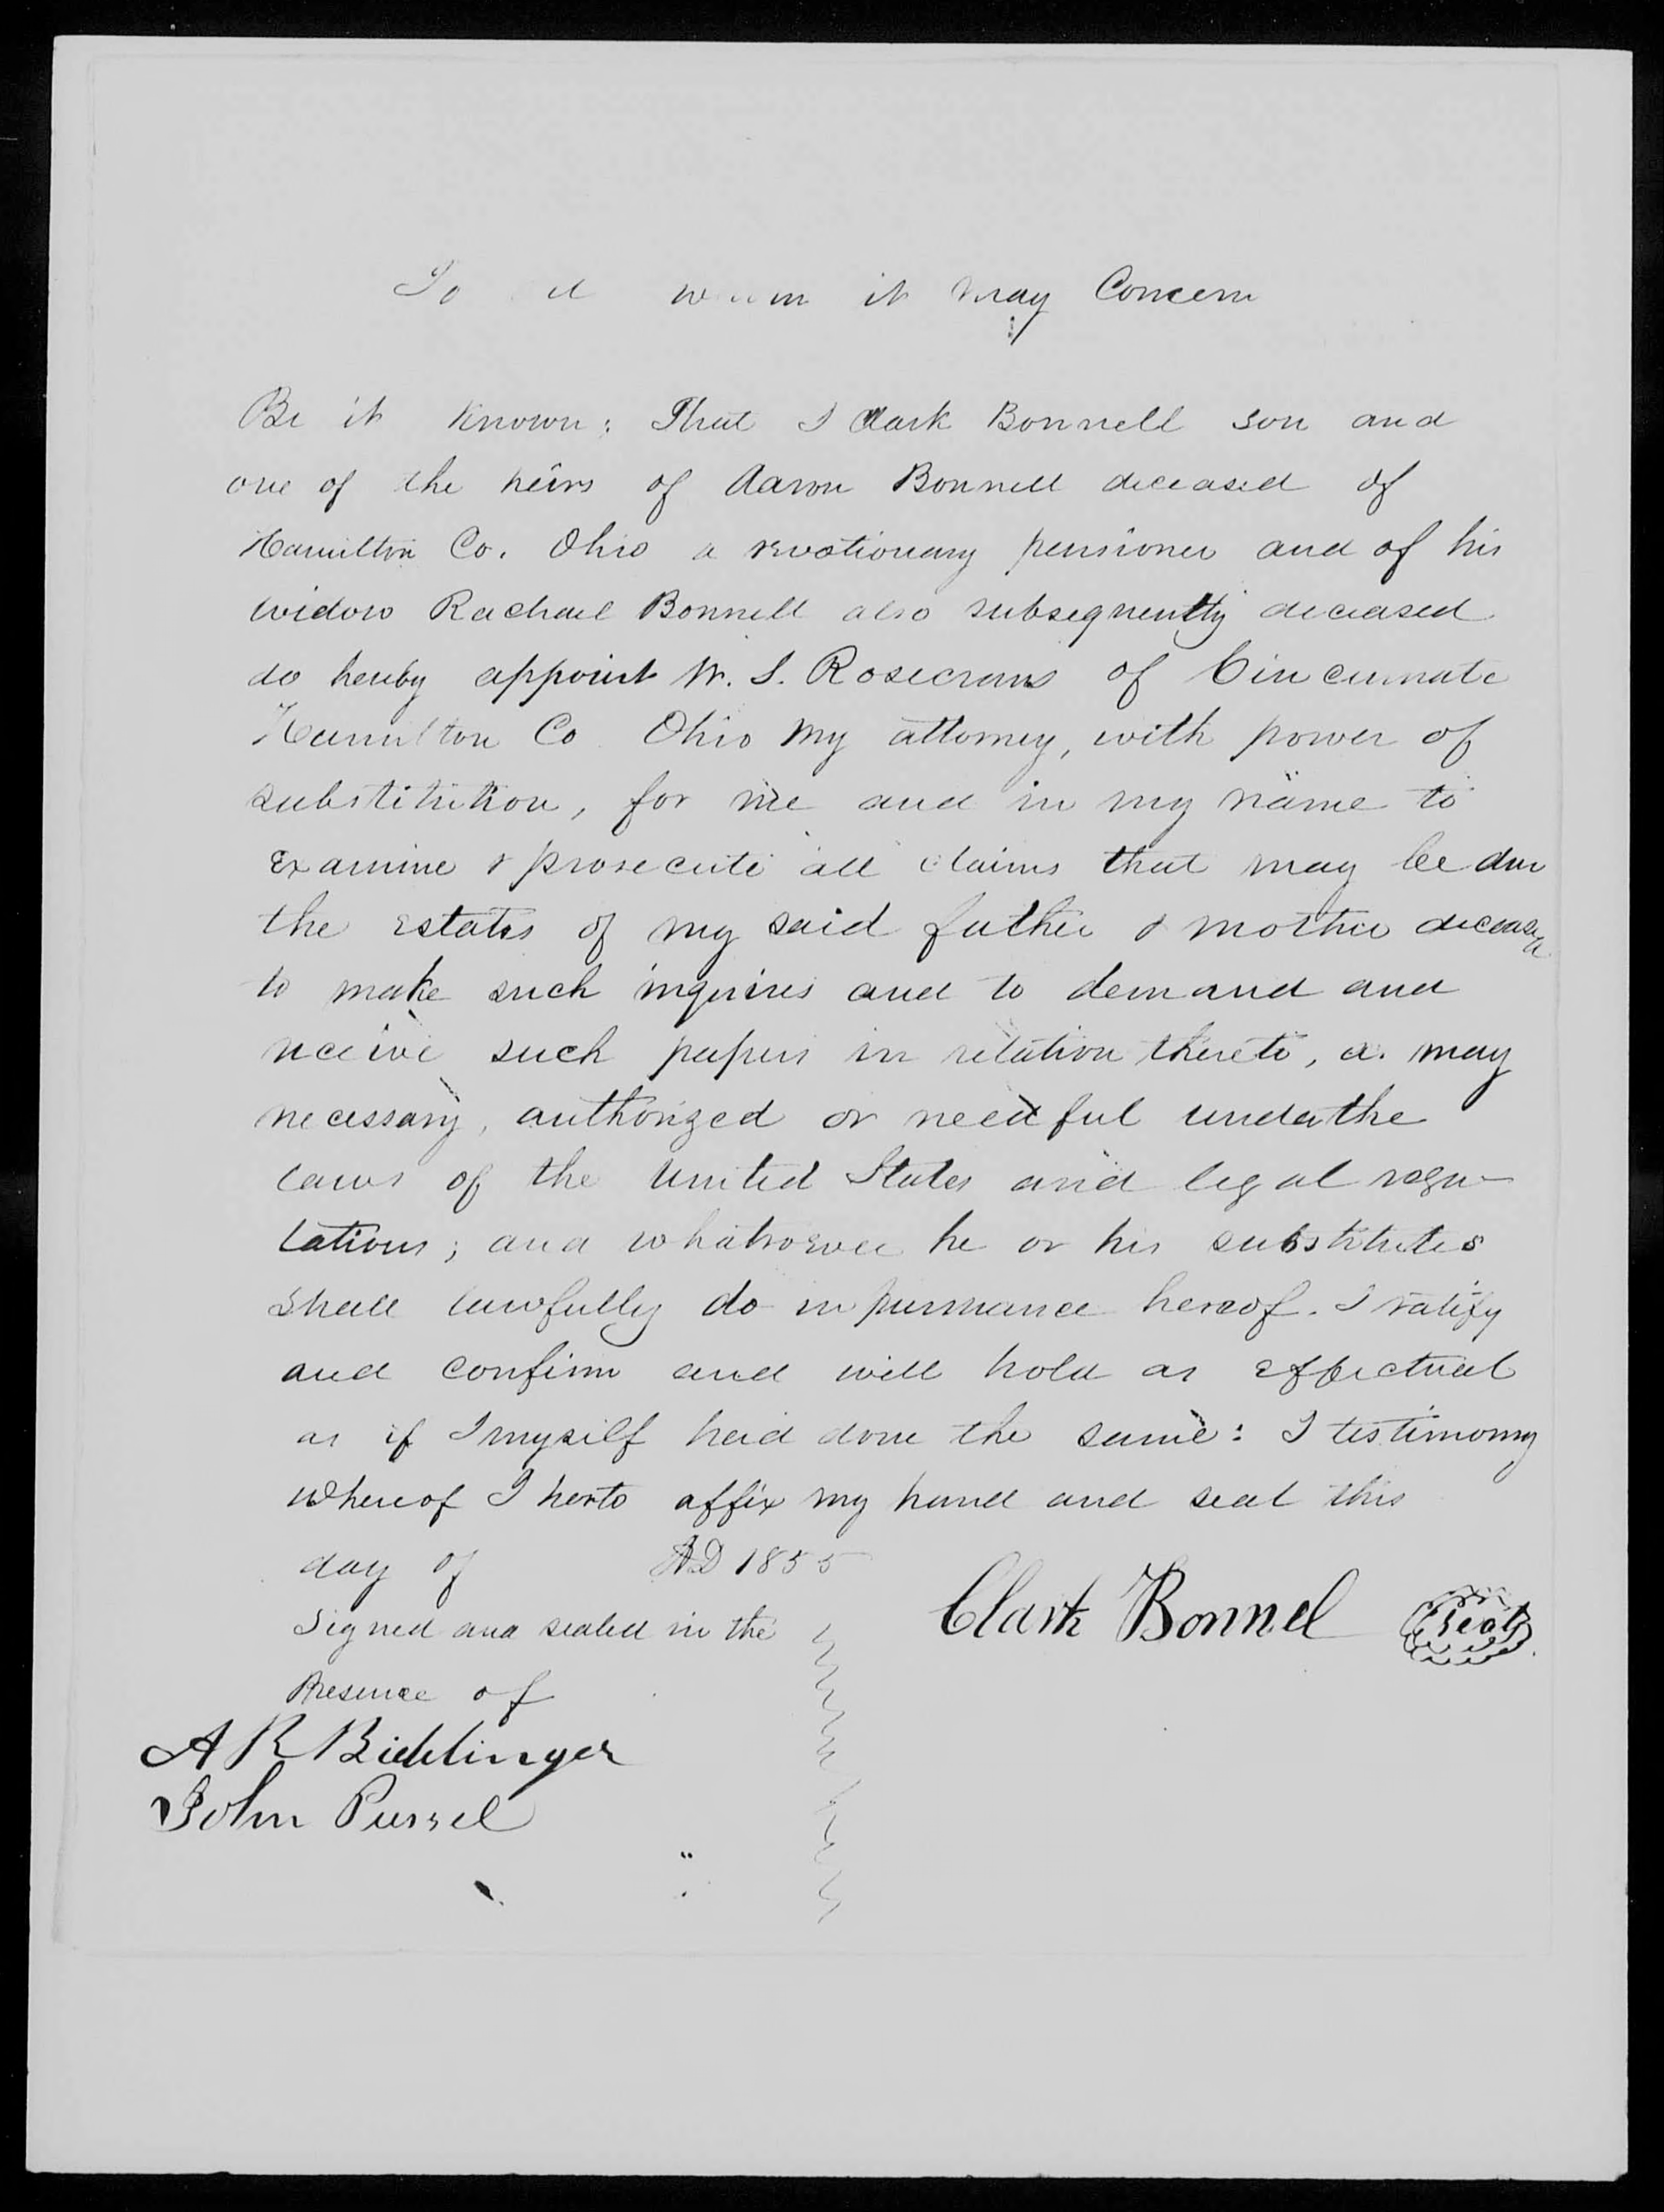To wit whom it may concern

Be it known that I Clark Bonnell son and one of the heirs of Aaron Bonnell deceased of Hamilton Co. Ohio a revolutionary pensioner and of his widow Rachael Bonnell also subsequently deceased do hereby appoint W. S. Rosecrans of Cincinnati Hamilton Co. Ohio my attorney with power of substitution, for me and in my name to examine & prosecute all claims that may be due the estates of my said father & mother deceased to make such inquiries and to demand and receive such papers in relation thereto, as may necessary, authorized or needful under the laws of the United States and legal regulations, and whatever he or his substitutes shall lawfully do in pursuance hereof, I ratify and confirm and will hold as effectual as if I myself had done the same:  In testimony whereof I hereto affix my hand and seal this day of        AD 1855

Clark Bonnel

Signed and sealed in the presence of 
A.R. Biddinger
John Pursel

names: W S Rosecrans, John Pursel, Rachael Bonnell, Aaron Bonnell, A R Biddinger, Clark Bonnell, Clark Bonnel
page: 36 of 67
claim: rejected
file: R. 1009, Aaron Bonnel, New Jersey